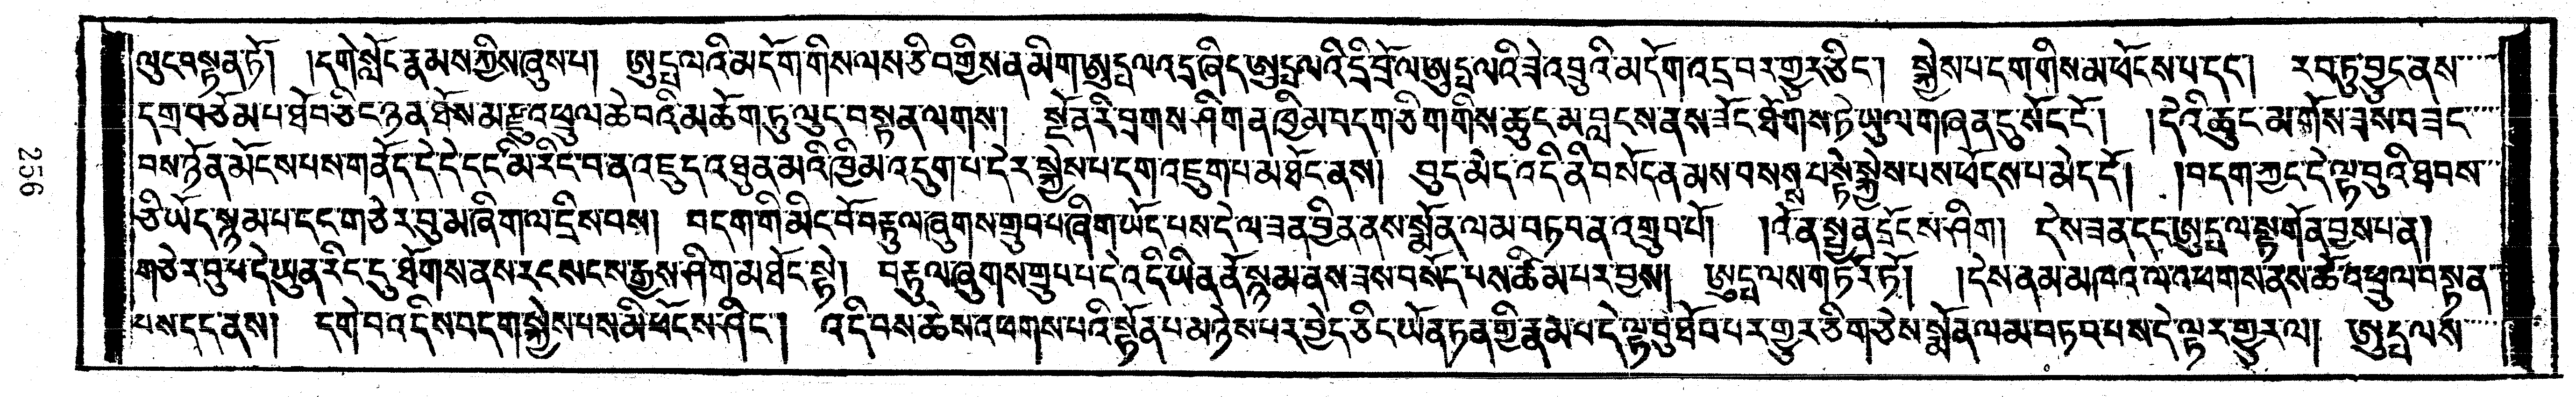ལུང་བསྟན་ཏོ། །དགེ་སློང་རྣམས་ཀྱིས་ཞུས་པ། ཨུདཔ་ལའི་མདོག་གིས་ལས་ཅི་བགྱིས་ན་མིག་ཨུདཔ་ལ་འདྲ་ཞིང་ཨུདཔ་ལའི་དྲི་བྲོ་ལ་ཨུདཔ་ལའི་ཟེ་འབྲུའི་མདོག་འདྲ་བར་གྱུར་ཅིང་། སྐྱེས་པ་དག་གིས་མ་ཕོངས་པ་དང་། རབ་ཏུ་བྱུང་ནས་
དགྲ་བཅོམ་པ་ཐོབ་ཅིང་ཉན་ཐོས་མ་རྫུ་འཕྲུལ་ཆེ་བའི་མཆོག་ཏུ་ལུང་བསྟན་ལགས། སྔོན་རི་བྲགས་ཤིག་ན་ཁྱིམ་བདག་ཅིག་གིས་ཆུང་མ་བླངས་ནས་ཟོང་ཐོགས་ཏེ་ཡུལ་གཞན་དུ་སོང་ངོ། །དེའི་ཆུང་མ་གོས་ཟས་བཟང་
བས་ཉོན་མོངས་པས་གནོད་དེ་དེ་དང་མི་རིང་བ་ན་འཇུད་འཐུན་མའི་ཁྱིམ་འདུག་པ་དེར་སྐྱེས་པ་དག་འཇུག་པ་མཐོང་ནས། བུད་མེད་འདི་ནི་བསོད་ནམས་བསས་པ་སྟེ་སྐྱེས་པས་ཕོངས་པ་མེད་དོ། །བདག་ཀྱང་དེ་ལྟ་བུའི་ཐབས་
ཅི་ཡོད་སྙམ་པ་དང་གཅེར་བུ་མ་ཞིག་ལ་དྲིས་བས། བདག་གི་མིང་བོ་བརྟུལ་ཞུགས་གྲུབ་པ་ཞིག་ཡོད་པས་དེ་ལ་ཟན་བྱིན་ནས་སྨོན་ལམ་བཏབ་ན་འགྲུབ་བོ། །འོ་ན་སྤྱན་དྲོངས་ཤིག། དེས་ཟན་དང་ཨུདཔ་ལ་སྟ་གོན་ན་བྱས་པ་ན།
གཅེར་བུ་པ་དེ་ཡུན་རིང་དུ་ཐོགས་ནས་རང་སངས་རྒྱས་ཤིག་མཐོང་སྟེ། བརྟུལ་ཞུགས་གྲུབ་པ་དེ་འདི་ཡིན་ནོ་སྙམ་ནས་ཟས་བསོད་པས་ཚིམ་པར་བྱས། ཨུདཔ་ལས་གཏོར་ཏོ། །དེས་ནམ་མཁའ་ལ་འཕགས་ནས་ཆོ་འཕྲུལ་བསྟན་
པས་དད་ནས། དགེ་བ་འདིས་བདག་སྐྱེས་པས་མི་ཕོངས་ཤིང་། འདི་བས་ཆེས་འཕགས་པའི་སྟོན་པ་མཉེས་པར་བྱེད་ཅིང་ཡོན་ཏན་གྱི་རྣམ་པ་དེ་ལྟ་བུ་ཐོབ་པར་གྱུར་ཅིག་ཅེས་སྨོན་ལམ་བཏབ་པས་དེ་ལྟར་གྱུར་ལ། ཨུདཔ་ལས་